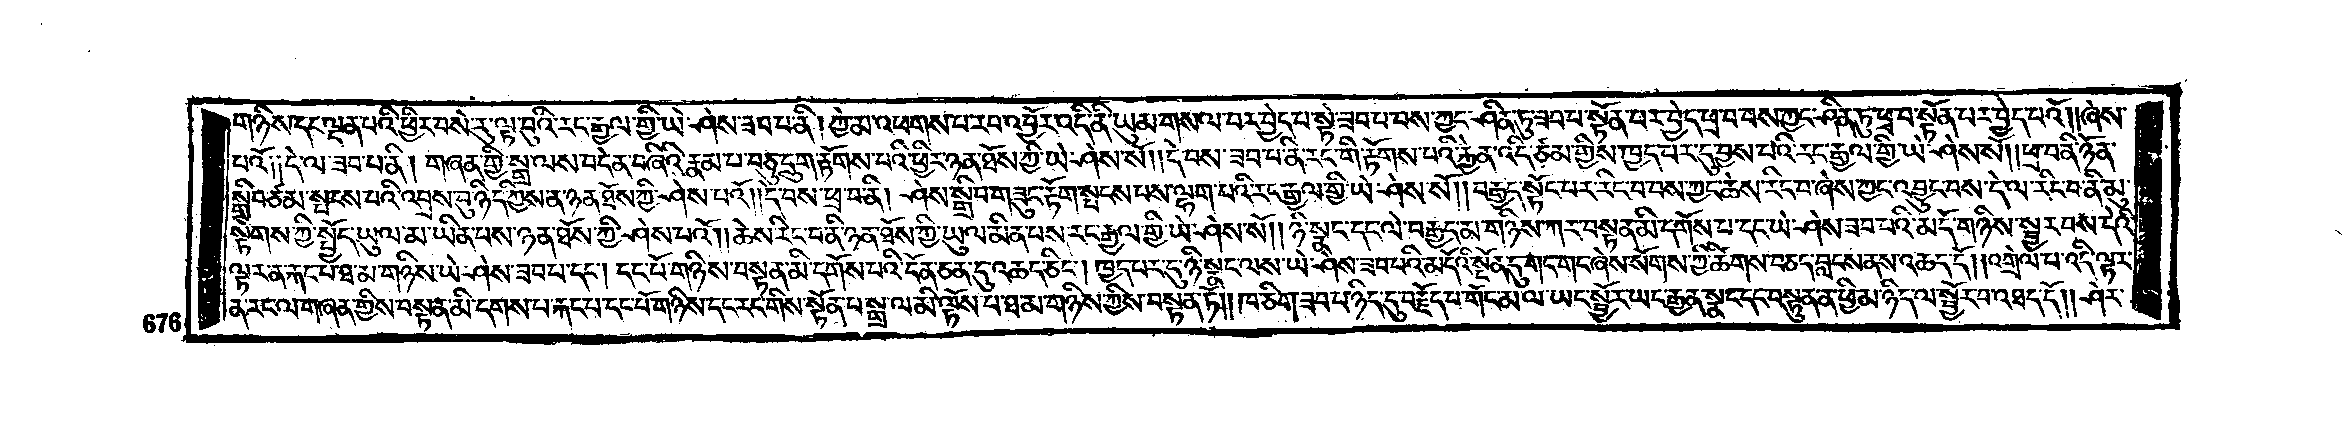གཉིས་དང་ལྡན་པའི་ཕྱིར་བསེ་རུ་ལྟ་བུའི་རང་རྒྱལ་གྱི་ཡེ་ཤེས་ཟབ་པ་ནི། ཀྱེ་མ་འཕགས་པ་རབ་འབྱོར་འདི་ནི་ཡུམ་གསལ་བར་བྱེད་པ་སྟེ་ཟབ་པ་བས་ཀྱང་ཤིན་ཏུ་ཟབ་པ་སྟོན་པར་བྱེད་ཕྲ་བ་བས་ཀྱང་ཤིན་ཏུ་ཕྲ་བ་སྟོན་པར་བྱེད་པའོ། །ཞེས་
པའོ། །དེ་ལ་ཟབ་པ་ནི། གཞན་གྱི་སྒྲ་ལས་བདེན་བཞིའི་རྣམ་པ་བཅུ་དྲུག་རྟོགས་པའི་ཕྱིར་ཉན་ཐོས་ཀྱི་ཡེ་ཤེས་སོ། །དེ་བས་ཟབ་པ་ནི་རང་གི་རྟོགས་པའི་རྐྱེན་འདི་ཙམ་གྱིས་ཁྱད་པར་དུ་བྱས་པའི་རང་རྒྱལ་གྱི་ཡེ་ཤེས་སོ། །ཕྲ་བ་ནི་ཉོན་
སྒྲིབ་ཙམ་སྤངས་པའི་འབྲས་བུ་ཉིད་ཀྱིས་ན་ཉན་ཐོས་ཀྱི་ཤེས་པའོ། །དེ་བས་ཕྲ་བ་ནི། ཤེས་སྒྲིབ་གཟུང་རྟོག་སྤངས་པས་ལྷག་པའི་རང་རྒྱལ་གྱི་ཡེ་ཤེས་སོ། །བརྒྱད་སྟོང་པར་རིང་བ་བས་ཀྱང་ཆེས་རིང་བ་ཞེས་ཀྱང་འབྱུང་བས་དེ་ལ་རིང་བ་ནི་མུ་
སྟེགས་ཀྱི་སྤྱོད་ཡུལ་མ་ཡིན་པས་ཉན་ཐོས་ཀྱི་ཤེས་པའོ། །ཚེས་རིང་བ་ནི་ཉན་ཐོས་ཀྱི་ཡུལ་མིན་པས་རང་རྒྱལ་གྱི་ཡེ་ཤེས་སོ། །ཉི་སྣང་དང་ལེ་བརྒྱད་མ་གཉིས་ཀར་བསྟན་མི་དགོས་པ་དང་ཡེ་ཤེས་ཟབ་པའི་མདོ་གཉིས་སྦྱར་བས་དེའི་
ལྟར་ན་རྐང་པ་ཐ་མ་གཉིས་ཡེ་ཤེས་ཟབ་པ་དང་། དང་པོ་གཉིས་བསྟན་མི་དགོས་པའི་དོན་ཅན་དུ་འཆད་ཅིང་། ཁྱད་པར་དུ་ཉི་སྣང་ལས་ཡེ་ཤེས་ཟབ་པའི་མདོའི་སྔོན་དུ་གང་གང་ཞེས་སོགས་ཀྱི་ཚིགས་བཅད་བླངས་ནས་འཆད་དོ། །འགྲེལ་པ་འདི་ལྟར་
ན་རང་ལ་གཞན་གྱིས་བསྟན་མི་དགོས་པ་རྐང་པ་དང་པོ་གཉིས་དང་རང་གིས་སྟོན་པ་སྒྲ་ལ་མི་ལྟོས་པ་ཐ་མ་གཉིས་ཀྱིས་བསྟན་ཏོ། །ཁ་ཅིག་ཟབ་པ་ཉིད་དུ་བརྗོད་པ་གོང་མལ་ཡང་སྦྱོར་ཡང་རྒྱན་སྣང་དང་བསྟུན་ན་ཕྱི་མ་ཉིད་ལ་སྦྱོར་བ་འཐད་དོ། །ཤེར་